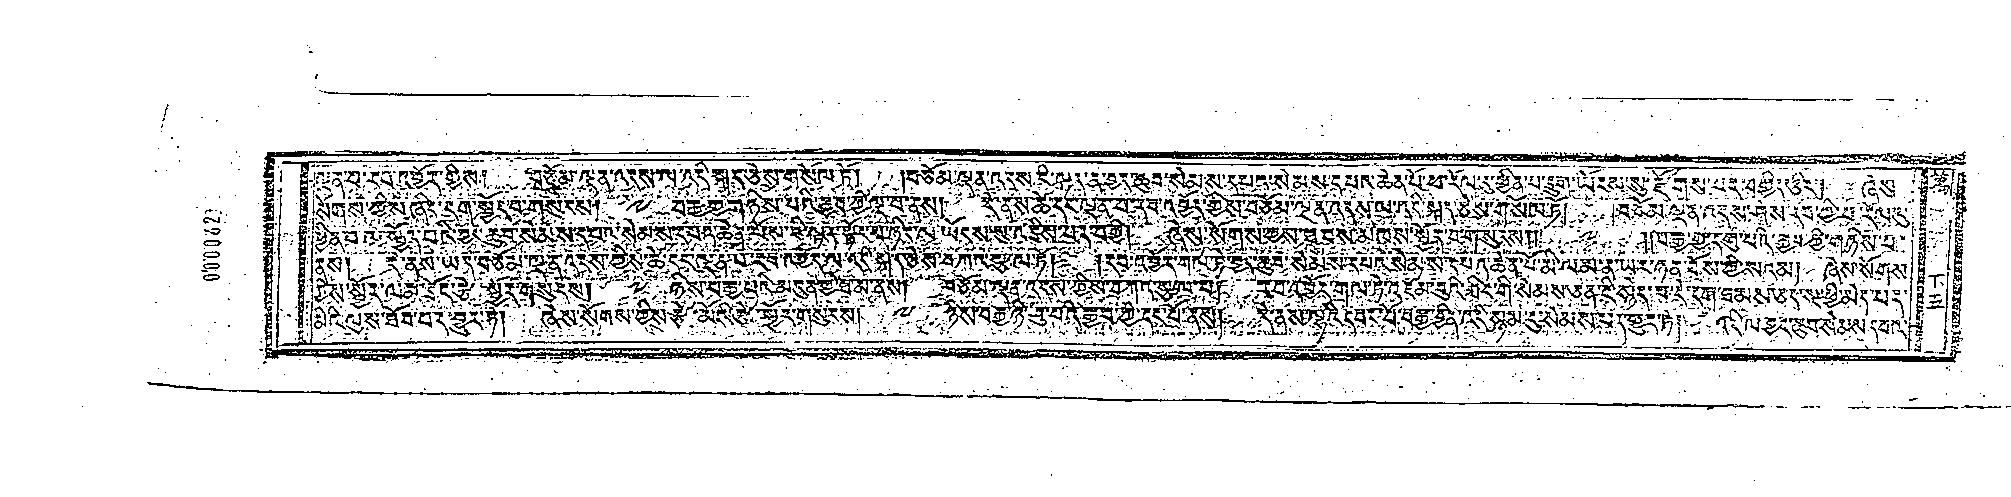ལྡན་པ་རབ་འབྱོར་གྱིས། བཅོམ་ལྡན་འདས་ལ་འདི་སྐད་ཅེས་གསོལ་ཏོ། །བཅོམ་ལྡན་འདས་ཇི་ལྟར་ན་བྱང་ཆུབ་སེམས་དཔའ་སེམས་དཔའ་ཆེན་པོ་ཕ་རོལ་དུ་ཕྱིན་པ་དྲུག་ཡོངས་སུ་རྫོགས་པར་བགྱིད་ཅིང་། ཞེས་
སོགས་ཀྱིས་ཞིང་དག་སྦྱོར་བ་གསུངས། ༧་བརྒྱ་གྱ་གཉིས་པའི་རྒྱབ་ཀྱི་ལྔ་པ་ནས། དེ་ནས་ཚེ་དང་ལྡན་པ་རབ་འབྱོར་ཀྱིས་བཅོམ་ལྡན་འདས་ལ་འདི་སྐད་ཅེས་གསོལ་ཏོ། །བཅོམ་ལྡན་འདས་ཤེས་རབ་ཀྱི་ཕ་རོལ་དུ་
ཕྱིན་པ་ལ་སྤྱོད་པའི་བྱང་ཆུབ་སེམས་དཔའ་སེམས་དཔའ་ཆེན་པོས་ཇི་ལྟར་སྟོང་པ་ཉིད་ལ་ཡོངས་སུ་འདྲིས་པར་བགྱི། ཞེས་སོགས་ཀྱིས་ཐབས་མཁས་སྦྱོར་བ་གསུངས།། ༧་།།བརྒྱ་གྱ་དགུ་པའི་རྒྱབ་ཀྱི་གཉིས་པ་
ནས། དེ་ནས་ཡང་བཅོམ་ལྡན་འདས་ཀྱིས་ཚེ་དང་ལྡན་པ་རབ་འབྱོར་ལ་འདི་སྐད་ཅེས་བཀའ་སྩལ་ཏོ། །རབ་འབྱོར་གལ་ཏེ་བྱང་ཆུབ་སེམས་དཔའ་སེམས་དཔའ་ཆེན་པོ་རྨི་ལམ་ན་ཡང་ཉན་ཐོས་ཀྱི་སའམ། ཞེས་སོགས་
ཀྱིས་སྦྱོར་ལམ་དྲོད་རྩེ་སྦྱོར་གསུངས། ༧་ཉིས་བརྒྱ་པའི་མདུན་གྱི་ཐ་མ་ནས། བཅོམ་ལྡན་འདས་ཀྱིས་བཀའ་སྩལ་པ། རབ་འབྱོར་གལ་ཏེ་འཛམ་བུའི་གླིང་གི་སེམས་ཅན་ཇི་སྙེད་པ་དེ་དག་ཐམས་ཅད་སྔ་ཕྱི་མེད་པར་
མིའི་ལུས་ཐོབ་པར་བྱུང་ཏེ། ཞེས་སོགས་ཀྱིས་རྩེ་མོའི་རྩེ་སྦྱོར་གསུངས། ༧་ཉིས་བརྒྱ་ཉི་ཤུ་པའི་རྒྱབ་ཀྱི་དང་པོ་ནས། དེ་ནས་ལྷའི་དབང་པོ་བརྒྱ་བྱིན་འདི་སྙམ་དུ་སེམས་པར་གྱུར་ཏེ། འདི་ལ་བྱང་ཆུབ་སེམས་དཔའ་